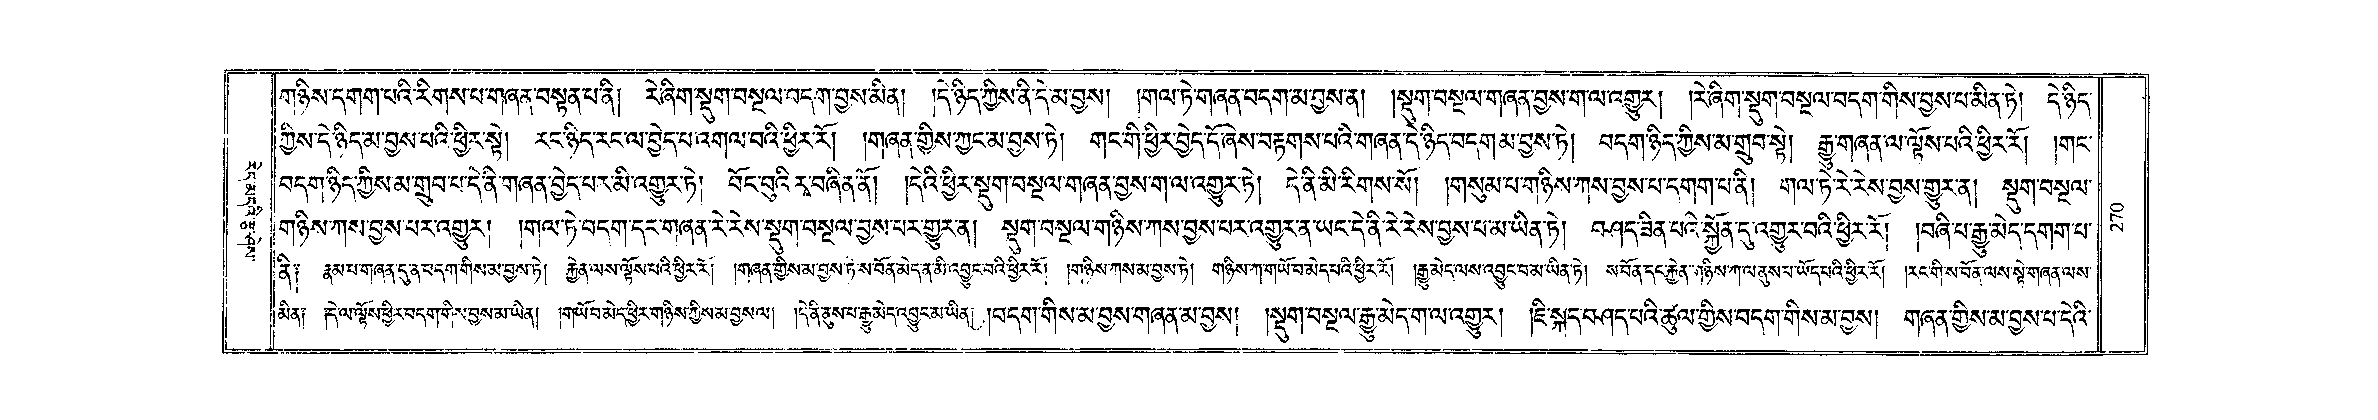གཉིས་དགག་པའི་རིགས་པ་གཞན་བསྟན་པ་ནི། རེ་ཞིག་སྡུག་བསྔལ་བདག་བྱས་མིན། །དེ་ཉིད་ཀྱིས་ནི་དེ་མ་བྱས། །གལ་ཏེ་གཞན་བདག་མ་བྱས་ན། །སྡུག་བསྔལ་གཞན་བྱས་ག་ལ་འགྱུར། །རེ་ཞིག་སྡུག་བསྔལ་བདག་གིས་བྱས་པ་མིན་ཏེ། དེ་ཉིད་
ཀྱིས་དེ་ཉིད་མ་བྱས་པའི་ཕྱིར་སྟེ། རང་ཉིད་རང་ལ་བྱེད་པ་འགལ་བའི་ཕྱིར་རོ། །གཞན་གྱིས་ཀྱང་མ་བྱས་ཏེ། གང་གི་ཕྱིར་བྱེད་དོ་ཞེས་བརྟགས་པའི་གཞན་དེ་ཉིད་བདག་མ་བྱས་ཏེ། བདག་ཉིད་ཀྱིས་མ་གྲུབ་སྟེ། རྒྱུ་གཞན་ལ་ལྟོས་པའི་ཕྱིར་རོ། །གང་
བདག་ཉིད་ཀྱིས་མ་གྲུབ་པ་དེ་ནི་གཞན་བྱེད་པར་མི་འགྱུར་ཏེ། བོང་བུའི་རྭ་བཞིན་ནོ། །དེའི་ཕྱིར་སྡུག་བསྔལ་གཞན་བྱས་ག་ལ་འགྱུར་ཏེ། དེ་ནི་མི་རིགས་སོ། །གསུམ་པ་གཉིས་ཀས་བྱས་པ་དགག་པ་ནི། གལ་ཏེ་རེ་རེས་བྱས་གྱུར་ན། སྡུག་བསྔལ་
གཉིས་ཀས་བྱས་པར་འགྱུར། །གལ་ཏེ་བདག་དང་གཞན་རེ་རེས་སྡུག་བསྔལ་བྱས་པར་གྱུར་ན། སྡུག་བསྔལ་གཉིས་ཀས་བྱས་པར་འགྱུར་ན་ཡང་དེ་ནི་རེ་རེས་བྱས་པ་མ་ཡིན་ཏེ། བཤད་ཟིན་པའི་སྐྱོན་དུ་འགྱུར་བའི་ཕྱིར་རོ། །བཞི་པ་རྒྱུ་མེད་དགག་པ་
ནི༑ རྣམ་པ་གཞན་དུ་ན་བདག་གིས་མ་བྱས་ཏེ། རྐྱེན་ལས་ལྟོས་པའི་ཕྱིར་རོ། །གཞན་གྱིས་མ་བྱས་ཏེ་ས་བོན་མེད་ན་མི་འབྱུང་བའི་ཕྱིར་རོ། །གཉིས་ཀས་མ་བྱས་ཏེ། གཉིས་ཀ་གཡོ་བ་མེད་པའི་ཕྱིར་རོ། །རྒྱུ་མེད་ལས་འབྱུང་བ་མ་ཡིན་ཏེ། ས་བོན་དང་རྐྱེན་གཉིས་ཀ་ལ་ནུས་པ་ཡོད་པའི་ཕྱིར་རོ། །རང་གི་ས་བོན་ལས་སྟེ་གཞན་ལས་
མིན༑ ༑དེ་ལ་ལྟོས་ཕྱིར་བདག་གིས་བྱས་མ་ཡིན། །གཡོ་བ་མེད་ཕྱིར་གཉིས་ཀྱིས་མ་བྱས་ལ། །དེ་ནི་ནུས་པ་རྒྱུ་མེད་འབྱུང་མ་ཡིན། །བདག་གིས་མ་བྱས་གཞན་མ་བྱས། །སྡུག་བསྔལ་རྒྱུ་མེད་ག་ལ་འགྱུར། །ཇི་སྐད་བཤད་པའི་ཚུལ་གྱིས་བདག་གིས་མ་བྱས། གཞན་གྱིས་མ་བྱས་པ་དེའི་